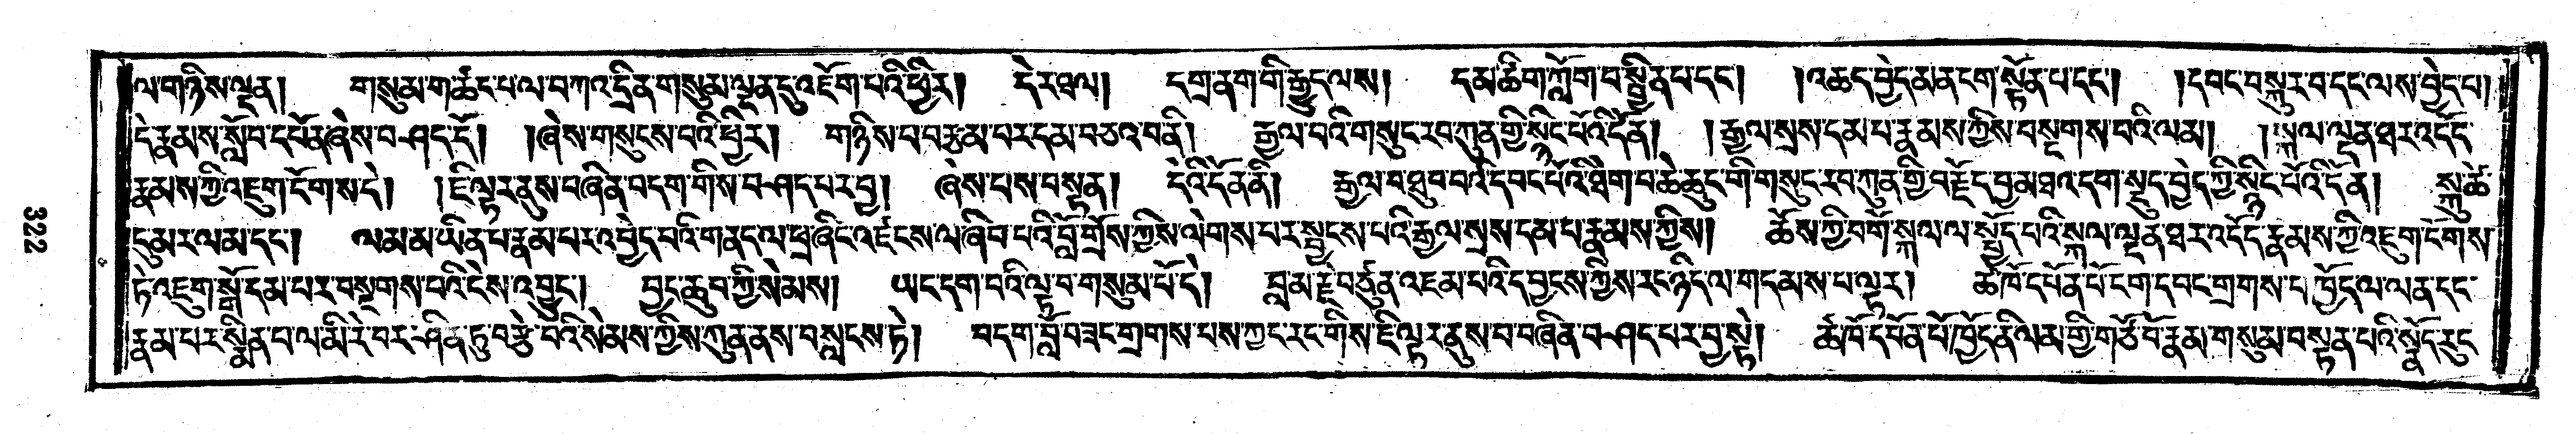ལ་གཉིས་ལྡན། གསུམ་ག་ཚང་པ་ལ་བཀའ་དྲིན་གསུམ་ལྡན་དུ་འཇོག་པའི་ཕྱིར། དེར་ཐལ། དགྲ་ནག་གི་རྒྱུད་ལས། དམ་ཚིག་ཀློག་བ་སྦྱིན་པ་དང་། །འཆད་བྱེད་མན་ངག་སྟོན་པ་དང་། །དབང་བསྐུར་བ་དང་ལས་བྱེད་པ། །
དེ་རྣམས་སློབ་དཔོན་ཞེས་བཤད་དོ། །ཞེས་གསུངས་པའི་ཕྱིར། གཉིས་པ་བརྩམ་པར་དམ་བཅའ་བ་ནི། རྒྱལ་བའི་གསུང་རབ་ཀུན་གྱི་སྙིང་པོའི་དོན། །རྒྱལ་སྲས་དམ་པ་རྣམས་ཀྱིས་བསྔགས་བའི་ལམ། །སྐལ་ལྡན་ཐར་འདོད་
རྣམས་ཀྱི་འཇུག་ངོ་གས་དེ། །ཇི་ལྟར་ནུས་བཞིན་བདག་གིས་བཤད་པར་བྱ། ཞེས་པས་བསྟན། དེའི་དོན་ནི། རྒྱལ་བ་ཐུབ་བའི་དབང་པོའི་ཐེག་པ་ཆེ་ཆུང་གི་གསུང་རབ་ཀུན་གྱི་བརྗོད་བྱ་མཐའ་དག་སྡུད་བྱེད་ཀྱི་སྙིང་པོའི་དོན། སྐུ་ཚེ་
དུ་མར་ལམ་དང་། ལམ་མ་ཡིན་པ་རྣམ་པར་འབྱེད་པའི་གནད་ལ་ཕྲ་ཞིང་འཛངས་ལ་ཞིབ་པའི་བློ་གྲོས་ཀྱིས་ལེགས་པར་སྦྱངས་པའི་རྒྱལ་སྲས་དམ་པ་རྣམས་ཀྱིས། ཆོས་ཀྱི་བགོ་སྐལ་ལ་སྤྱོད་པའི་སྐལ་ལྡན་ཐར་འདོད་རྣམས་ཀྱི་འཇུག་ངོགས་
ཏེ་འཇུག་སྒོ་དམ་པར་བསྔགས་པའི་ངེས་འབྱུང་། བྱང་ཆུབ་ཀྱི་སེམས། ཡང་དག་བའི་ལྟ་བ་གསུམ་པོ་དེ། བླ་མ་རྗེ་བཙུན་འཇམ་པའི་དབྱངས་ཀྱིས་རང་ཉིད་ལ་གདམས་པ་ལྟར། ཚ?་ཁོ་དཔོན་པོ་ངག་དབང་གྲགས་པ་ཁྱོད་ལ་ལན་དང་
རྣམ་པར་སྨིན་པ་ལ་མི་རེ་བར་ཤིན་ཏུ་བརྩེ་བའི་སེམས་ཀྱིས་ཀུན་ནས་བསླངས་ཏེ། བདག་བློ་བཟང་གྲགས་པས་ཀྱང་རང་གིས་ཇི་ལྟར་ནུས་བ་བཞིན་བཤད་པར་བྱ་སྟེ། ཚ་ཁོ་དཔོན་པོ་ཁྱོད་ནི་ལམ་གྱི་གཙོ་བོ་རྣམ་གསུམ་བསྟན་པའི་སྣོད་རུང་